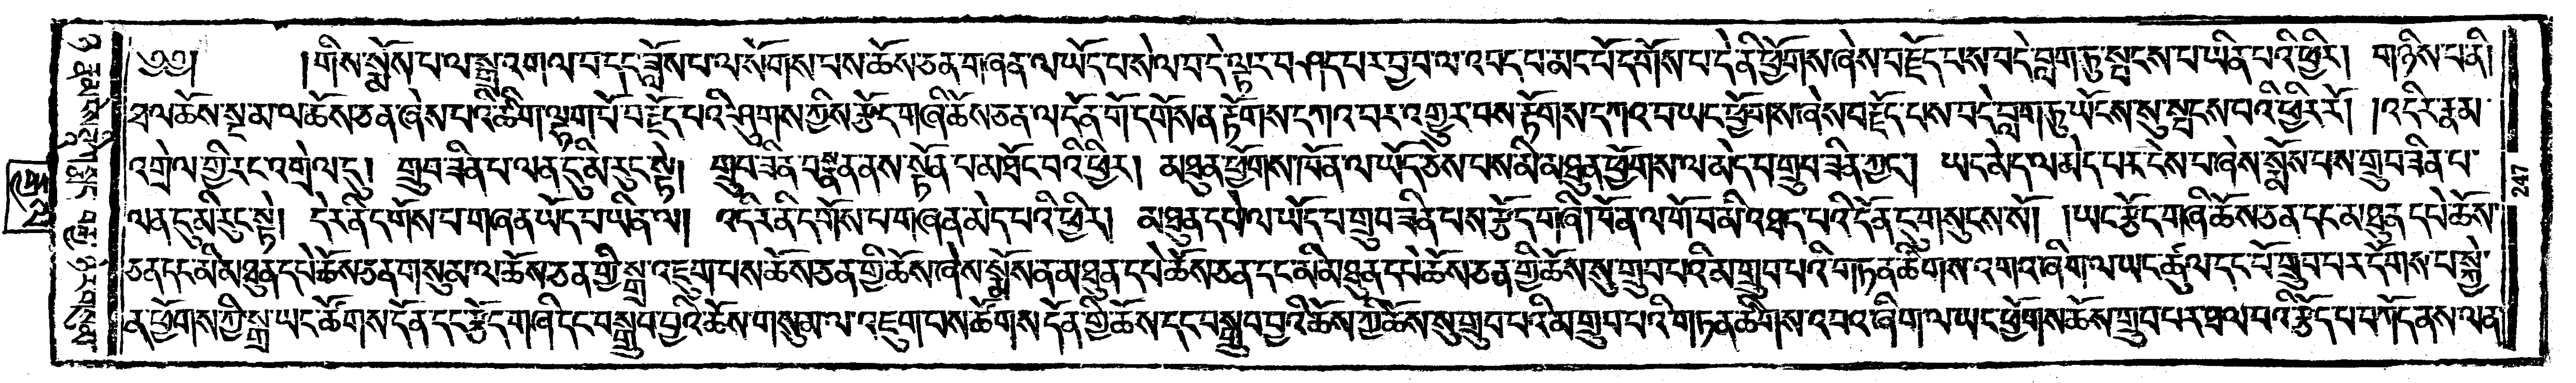༄༅། །གིས་སྨོས་པ་ལ་སྒྲ་འགལ་བ་དང་ཟློས་པ་ལ་སོགས་པས་ཆོས་ཅན་གཞན་ལ་ཡོད་པ་སེལ་བ་དེ་ལྟར་བཤད་པར་བྱ་བ་ལ་འབད་པ་མང་པོ་དགོས་པ་དེ་ནི་ཕྱོགས་ཞེས་བརྗོད་པས་བདེ་བླག་ཏུ་སྤངས་པ་ཡིན་པའི་ཕྱིར། གཉིས་པ་ནི།
ཐལ་ཆོས་སྔ་མ་ལ་ཆོས་ཅན་ཞེས་པའི་ཚིག་ལྷག་པོ་བརྗོད་པའི་ཤུགས་ཀྱིས་རྩོད་གཞི་ཆོས་ཅན་ལ་དོན་གོ་དགོས་ན་རྟོགས་དཀའ་བར་འགྱུར་བས་རྟོགས་དཀའ་བ་ཡང་ཕྱོགས་ཞེས་བརྗོད་པས་བདེ་བླག་ཏུ་ཡོངས་སུ་སྤངས་བའི་ཕྱིར་རོ། །འདིར་རྣམ་
འགྲེལ་གྱི་རང་འགྲེལ་དུ། གྲུབ་ཟིན་པ་ལན་དུ་མི་རུང་སྟེ། གྲུབ་ཟིན་བསྣན་ནས་སྟོན་པ་མཐོང་བའི་ཕྱིར། མཐུན་ཕྱོགས་ཁོ་ན་ལ་ཡོད་ཅེས་པས་མི་མཐུན་ཕྱོགས་ལ་མེད་པ་གྲུབ་ཟིན་ཀྱང་། ཡང་མེད་ལ་མེད་པར་ངེས་པ་ཞེས་སྨོས་པས་གྲུབ་ཟིན་པ་
ལན་དུ་མི་རུང་སྟེ། དེར་ནི་དགོས་པ་གཞན་ཡོད་པ་ཡིན་ལ། འདིར་ནི་དགོས་པ་གཞན་མེད་པའི་ཕྱིར། མཐུན་དཔེ་ལ་ཡོད་པ་གྲུབ་ཟིན་པས་རྩོད་གཞི་ཁོ་ན་ལ་གོ་བ་མི་འཐད་པའི་དོན་དུ་གསུངས་སོ། །ཡང་རྩོད་གཞི་ཆོས་ཅན་དང་མཐུན་དཔེ་ཆོས་
ཅན་དང་མི་མཐུན་དཔེ་ཆོས་ཅན་གསུམ་ལ་ཆོས་ཅན་གྱི་སྒྲ་འཇུག་པས་ཆོས་ཅན་གྱི་ཆོས་ཞེས་སྨོས་ན་མཐུན་དཔེ་ཆོས་ཅན་དང་མི་མཐུན་དཔེ་ཆོས་ཅན་གྱི་ཆོས་སུ་གྲུབ་པའི་མ་གྲུབ་པའི་གཏན་ཚིགས་འགའ་ཞིག་ལ་ཡང་ཚུལ་དང་པོ་གྲུབ་པར་དོགས་པ་སྐྱེ་
ན་ཕྱོགས་ཀྱི་སྒྲ་ཡང་ཚོགས་དོན་དང་རྩོད་གཞི་དང་བསྒྲུབ་བྱའི་ཆོས་གསུམ་ལ་འཇུག་པས་ཚོགས་དོན་གྱི་ཆོས་དང་བསྒྲུབ་བྱའི་ཆོས་ཀྱི་ཆོས་སུ་གྲུབ་པའི་མ་གྲུབ་པའི་གཏན་ཚིགས་འབའ་ཞིག་ལ་ཡང་ཕྱོགས་ཆོས་གྲུབ་པར་ཐལ་བའི་རྩོད་པ་བཀོད་ནས་ལན་